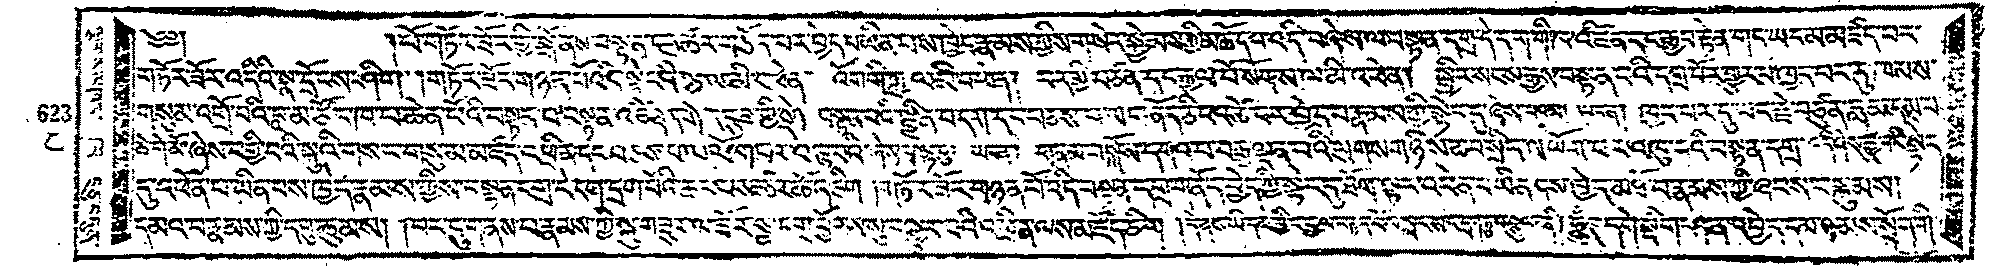༄༅། །པོ་གཏོར་ཟོར་གྱི་སྒོ་ནས་བསྟན་ཐ་ཚར་གཅོད་པར་བྱེད་པ་ཡིན་པས་ཁྱེད་རྣམས་ཀྱིས་གསེར་སྐྱེམས་ཀྱི་མཆོད་པ་འདི་བཞེས་ལ་བསྟན་དགྲ་དེ་དག་གི་ཁ་འཛིན་དང་རྒྱབ་རྟེན་གང་ཡང་མ་མཛད་པར་
གཏོར་ཟོར་འདིའི་སྣ་དྲོངས་ཤིག །གཏོར་ཟོར་གཉན་པོ་འདི་སྟེང་ནི་ཉལ་མི་འཕེན། འོག་གི་ཀླུ་ལ་མི་བ་ཡིན། བར་གྱི་བཙན་དང་རྒྱལ་པོ་སོགས་ལ་མི་འཕེན། སྤྱིར་སངས་རྒྱས་བསྟན་བའི་དགྲ་པོར་གྱུར་པ་ཁྱད་པར་དུ་ཁམས་
གསུམ་འགྲོ་བའི་བླ་མ་ཙོང་ཁ་པ་ཆེན་པོའི་བསྟན་བ་བསྟན་འཛིན་དགེ་འདུན་གྱི་སྡེ། བསྟན་པའི་སྦྱིན་བདག་དང་བཅས་པ་ལ་གནོད་ཅིང་འཚེ་བར་བྱེད་པ་རྣམས་ཀྱི་སྟེང་དུ་ཞེས་པའམ། ཡང་ན།  ཁྱད་པར་དུ་ཡང་རྗེ་བཙུན་བླ་མ་དམ་པ་
ཆེ་གེ་མོ་ཞེས་བགྱི་བའི་སྐུའི་གསང་གསུམ་མཛད་འཕྲིན་དང་བཅས་པ་ལ་ལོག་པར་འཁྲུ་བའི་ཞེས་པ་ལྟ་བུ། ཡང་ན།  གནམ་བསྐོས་དགའ་བ་བརྒྱ་ལྡན་བའི་ལུགས་གཉིས་ཆབ་སྲིད་ལ་ཡོག་པར་འཁུ་བའི་བསྟན་དགྲ་འདི་ཞེས་བྱ་བའི་སྟེང་
དུ་འཕོན་པ་ཡིན་པས་ཁྱེད་རྣམས་ཀྱིས་བསྟན་དགྲ་དེ་དག་དྲག་པོའི་ཆང་བས་ཚར་ཆོད་ཅིག །གཏོར་ཟོར་གཉན་པོ་འདི་བསྟན་དགྲ་གནོད་བྱེད་ཀྱི་སྟེང་དུ་ཐོག་ལྟར་འཕེན་པ་ཡིན་ནས་ཁྱེད་མཐོ་བ་རྣམས་ཀྱི་ཞབས་བསྐུམས།
དམའ་བ་རྣམས་ཀྱི་དབུ་ཆུམས། །བར་དུ་གནས་བ་རྣམས་ཀྱི་སྐུ་གཟུར་ལ་ཟོར་སྣ་དགྲ་ཕྱོགས་སུ་བསྒྱུར་བའི་འཕྲིན་ལས་མཛོད་ཅིག །དེ་ནས་ཡི་དམ་གྱི་ང་རྒྱལ་བརྟན་པོས་སླར་ཡང་དྲག་ཏུ་འྤྱུལ?་བ་ནི། །ཧཱུཾ༑ དགེ་སྡིག་ཤ་ན་འབྱེད་དམ་ཉམས་སྲོག་ཤིག་